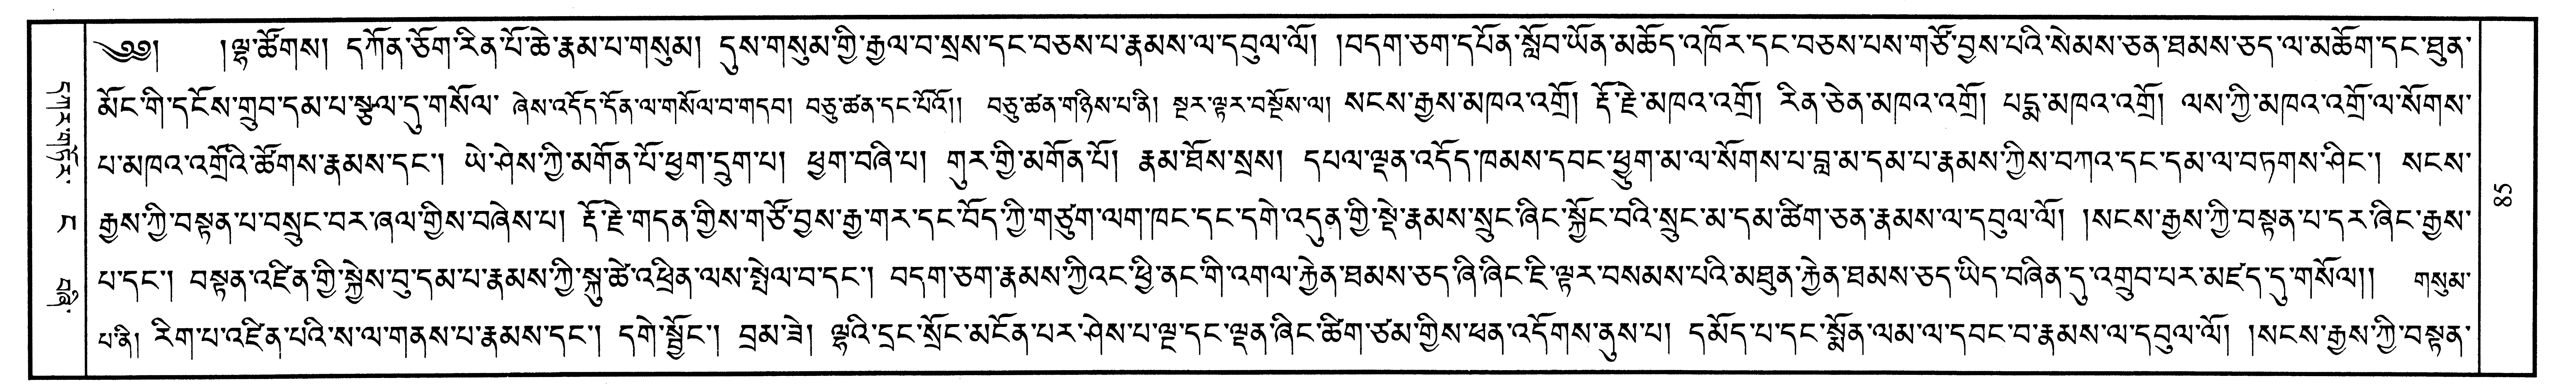༄༅། །ལྷ་ཚོགས། དཀོན་ཅོག་རིན་པོ་ཆེ་རྣམ་པ་གསུམ། དུས་གསུམ་གྱི་རྒྱལ་བ་སྲས་དང་བཅས་པ་རྣམས་ལ་དབུལ་ལོ། །བདག་ཅག་དཔོན་སློབ་ཡོན་མཆོད་འཁོར་དང་བཅས་པས་གཙོ་བྱས་པའི་སེམས་ཅན་ཐམས་ཅད་ལ་མཆོག་དང་ཐུན་
མོང་གི་དངོས་གྲུབ་དམ་པ་སྩལ་དུ་གསོལ་ཞེས་འདོད་དོན་ལ་གསོལ་བ་གདབ། བཅུ་ཚན་དང་པོའོ།། བཅུ་ཚན་གཉིས་པ་ནི། སྔར་ལྟར་བསྔོས་ལ། སངས་རྒྱས་མཁའ་འགྲོ། རྡོ་རྗེ་མཁའ་འགྲོ། རིན་ཅེན་མཁའ་འགྲོ། པདམ་མཁའ་འགྲོ། ལས་ཀྱི་མཁའ་འགྲོ་ལ་སོགས་
པ་མཁའ་འགྲོའི་ཚོགས་རྣམས་དང་། ཡེ་ཤེས་ཀྱི་མགོན་པོ་ཕྱག་དྲུག་པ། ཕྱག་བཞི་པ། གུར་གྱི་མགོན་པོ། རྣམ་ཐོས་སྲས། དཔལ་ལྡན་འདོད་ཁམས་དབང་ཕྱུག་མ་ལ་སོགས་པ་བླ་མ་དམ་པ་རྣམས་ཀྱིས་བཀའ་དང་དམ་ལ་བཏགས་ཤིང་། སངས་
རྒྱས་ཀྱི་བསྟན་པ་བསྲུང་བར་ཞལ་གྱིས་བཞེས་པ། རྡོ་རྗེ་གདན་གྱིས་གཙོ་བྱས་རྒྱ་གར་དང་བོད་ཀྱི་གཙུག་ལག་ཁང་དང་དགེ་འདུན་གྱི་སྡེ་རྣམས་སྲུང་ཞིང་སྐྱོང་བའི་སྲུང་མ་དམ་ཚིག་ཅན་རྣམས་ལ་དབུལ་ལོ། །སངས་རྒྱས་ཀྱི་བསྟན་པ་དར་ཞིང་རྒྱས་
པ་དང་། བསྟན་འཛིན་གྱི་སྐྱེས་བུ་དམ་པ་རྣམས་ཀྱི་སྐུ་ཚེ་འཕྲིན་ལས་སྤེལ་བ་དང་། བདག་ཅག་རྣམས་ཀྱིའང་ཕྱི་ནང་གི་འགལ་རྐྱེན་ཐམས་ཅད་ཞི་ཞིང་ཇི་ལྟར་བསམས་པའི་མཐུན་རྐྱེན་ཐམས་ཅད་ཡིད་བཞིན་དུ་འགྲུབ་པར་མཛད་དུ་གསོལ།། གསུམ་
པ་ནི། རིག་པ་འཛིན་པའི་ས་ལ་གནས་པ་རྣམས་དང་། དགེ་སྦྱོང་། བྲམ་ཟེ། ལྷའི་དྲང་སྲོང་མངོན་པར་ཤེས་པ་ལྔ་དང་ལྡན་ཞིང་ཚིག་ཙམ་གྱིས་ཕན་འདོགས་ནུས་པ། དམོད་པ་དང་སྨོན་ལམ་ལ་དབང་བ་རྣམས་ལ་དབུལ་ལོ། །སངས་རྒྱས་ཀྱི་བསྟན་